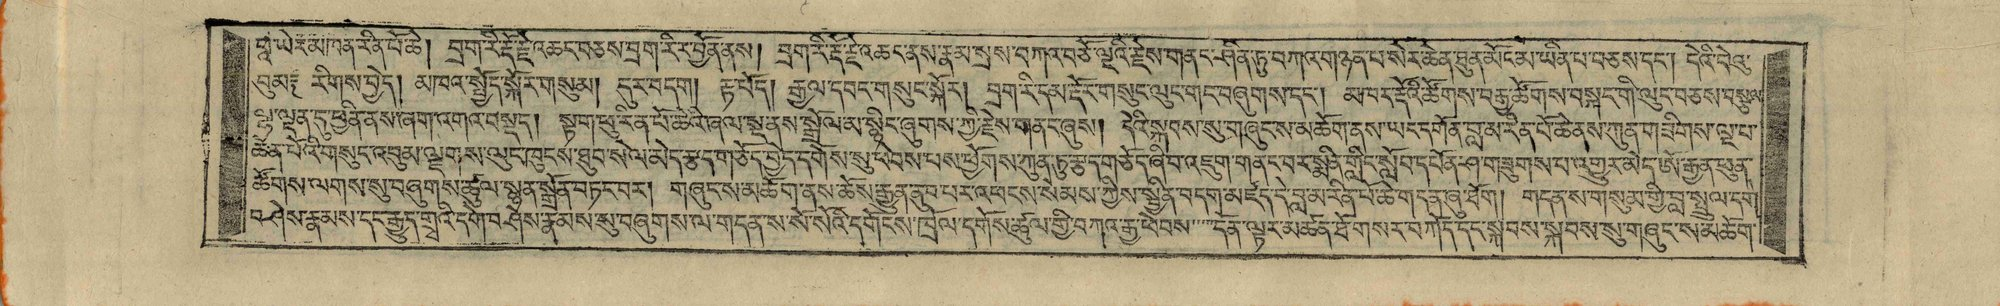པཱ་ཡེར་མཁན་རིན་པོ་ཆེ། བྲག་རི་རྡོ་རྗེ་འཆང་བཅས་བྲག་རིར་བྱོན་ནས། བྲག་རི་རྡོ་རྗེ་འཆང་ནས་རྣམ་སྲས་བཀའ་བཅོ་ལྔའི་རྗེས་གནང་ཤིན་ཏུ་བཀའ་གཉན་པ་སེར་ཆེན་ཐུན་མོང་མ་ཡིན་པ་བཅས་དང་། དེའི་བེའུ་
བུམ༑ རིགས་བྱེད། མཁའ་སྤྱོད་སྐོར་གསུམ། དུར་བདག །རྟ་པོད། རྒྱལ་དབང་གསུང་སྐོར། བྲག་རི་དམ་རྡོར་གསུང་ལུང་གང་བཞུགས་དང་། མཁར་རྡོའི་ཚོགས་བརྒྱ་ཚོགས་བསྐང་གི་ལུང་བཅས་བསྩལ་
ལྷ་ལྡན་དུ་ཕྱིན་ནས་ཞག་འགའ་བསྡད། སྟག་ཕུ་རིན་པོ་ཆེའི་ཞལ་སྔ་ནས་སྒྲོལ་མ་སྙིང་ཞུགས་ཀྱི་རྗེས་གནང་ཞུས། དེའི་སྐབས་སུ་གཞུངས་མཆོག་ནས་ཡང་དགོན་བླ་མ་རིན་པོ་ཆེ་ནས་ཀུན་གཟིགས་ལྔ་པ་
ཆེན་པོའི་གསུང་འབུམ་ལྗགས་ལུང་ཁུངས་ཐུབ་སེལ་མེད་རྩད་གཅོད་བྱེད་དགོས་སུ་ཕེབས་པས་ཕྱོགས་ཀུན་ཏུ་རྩད་གཅོད་ཞིབ་འཇུག་གནང་བར་སྨིན་གླིང་སློབ་དཔོན་ཤ་གཟུགས་པ་འགྱུར་མེད་ཨོ་རྒྱན་ཕུན་
ཚོགས་ལགས་སུ་བཞུགས་ཚུལ་སྙན་སྒྲོན་བཏང་བར། གཞུངས་མཆོག་ནས་ཆོས་རྒྱུན་ནུབ་པར་འཕངས་སེམས་ཀྱིས་སྦྱིན་བདག་མཛད་དེ་བླ་མ་རིན་པོ་ཆེ་གདན་ཞུ་ཐོག །གདན་ས་གསུམ་གྱི་བླ་སྤྲུལ་དགེ་
བཤེས་རྣམས་དང་རྒྱུད་གྲྭའི་དགེ་བཤེས་རྣམས་སུ་བཞུགས་ལ་གདན་ས་སོ་སོའི་དགོངས་ཁྲོལ་དགོས་ཚུལ་གྱི་བཀའ་རྒྱ་ཕེབས་དོན་ལྟར་མཚན་ཐོ་གསར་བཀོད་དང་སྐབས་སྐབས་སུ་གཞུང་ས་མཆོག